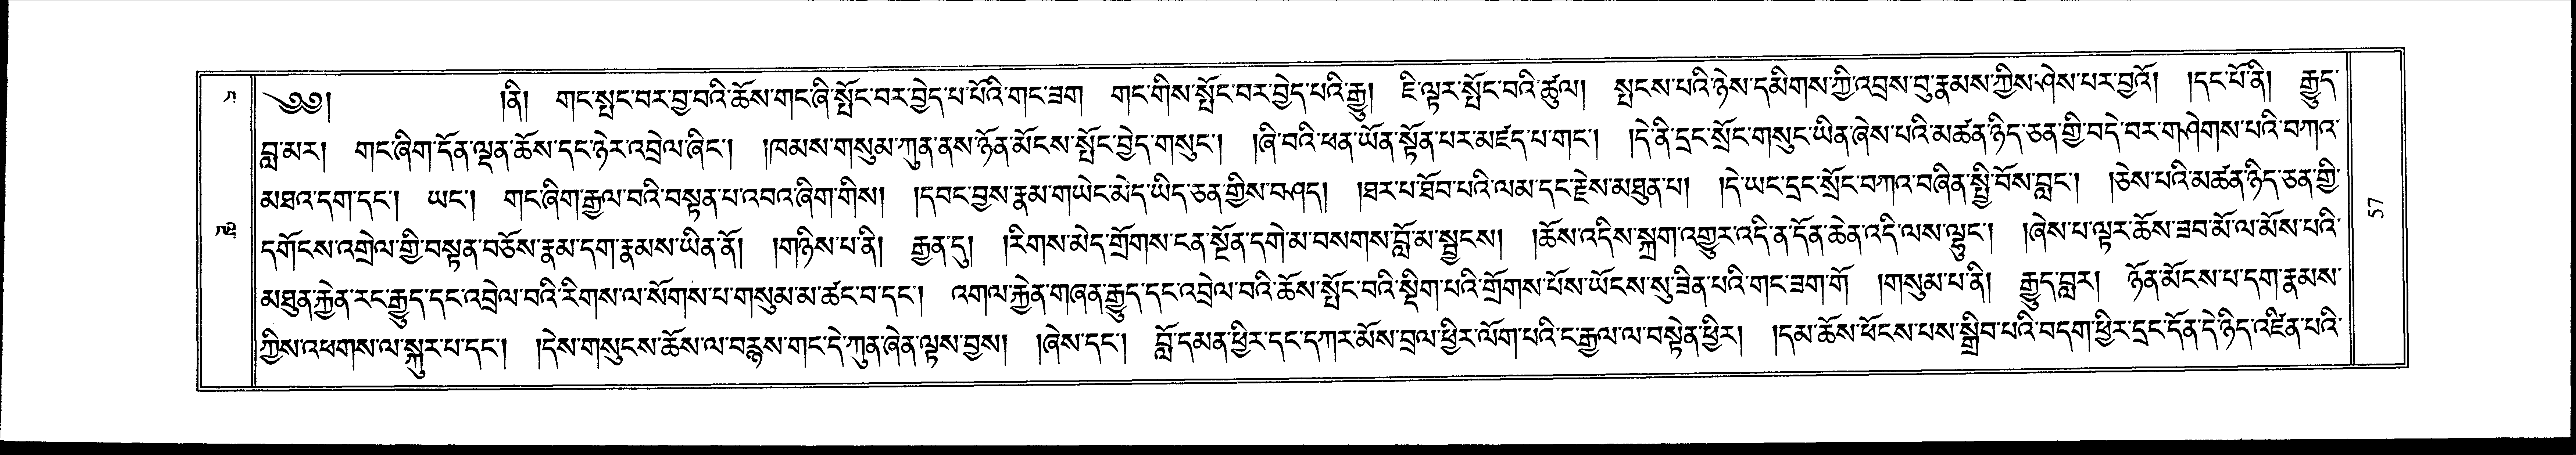༄༅། །ནི། གང་སྤང་བར་བྱ་བའི་ཆོས་གང་ཞི་སྤོང་བར་བྱེད་པ་པོའི་གང་ཟག །གང་གིས་སྤོང་བར་བྱེད་པའི་རྒྱུ། ཇི་ལྟར་སྤོང་བའི་ཚུལ། སྤངས་པའི་ཉེས་དམིགས་ཀྱི་འབྲས་བུ་རྣམས་ཀྱིས་ཤེས་པར་བྱའོ། །དང་པོ་ནི། རྒྱུད་
བླ་མར། གང་ཞིག་དོན་ལྡན་ཆོས་དང་ཉེར་འབྲེལ་ཞིང་། །ཁམས་གསུམ་ཀུན་ནས་ཉོན་མོངས་སྤོང་བྱེད་གསུང་། །ཞི་བའི་ཕན་ཡོན་སྟོན་པར་མཛད་པ་གང་། །དེ་ནི་དྲང་སྲོང་གསུང་ཡིན་ཞེས་པའི་མཚན་ཉིད་ཅན་གྱི་བདེ་བར་གཤེགས་པའི་བཀའ་
མཐའ་དག་དང་། ཡང་། གང་ཞིག་རྒྱལ་བའི་བསྟན་པ་འབའ་ཞིག་གིས། །དབང་བྱས་རྣམ་གཡེང་མེད་ཡིད་ཅན་གྱིས་བཤད། །ཐར་པ་ཐོབ་པའི་ལམ་དང་རྗེས་མཐུན་པ། །དེ་ཡང་དྲང་སྲོང་བཀའ་བཞིན་སྤྱི་བོས་བླང་། །ཅེས་པའི་མཚན་ཉིད་ཅན་གྱི་
དགོངས་འགྲེལ་གྱི་བསྟན་བཅོས་རྣམ་དག་རྣམས་ཡིན་ནོ། །གཉིས་པ་ནི། རྒྱན་དུ། །རིགས་མེད་གྲོགས་ངན་སྔོན་དགེ་མ་བསགས་བློ་མ་སྦྱངས། །ཆོས་འདིས་སྐྲག་འགྱུར་འདི་ན་དོན་ཆེན་འདི་ལས་ལྷུང་། །ཞེས་པ་ལྟར་ཆོས་ཟབ་མོ་ལ་མོས་པའི་
མཐུན་རྐྱེན་རང་རྒྱུད་དང་འབྲེལ་བའི་རིགས་ལ་སོགས་པ་གསུམ་མ་ཚང་བ་དང་། འགལ་རྐྱེན་གཞན་རྒྱུད་དང་འབྲེལ་བའི་ཆོས་སྤོང་བའི་སྡིག་པའི་གྲོགས་པོས་ཡོངས་སུ་ཟིན་པའི་གང་ཟག་གོ །གསུམ་པ་ནི། རྒྱུད་བླར། ཉོན་མོངས་པ་དག་རྣམས་
ཀྱིས་འཕགས་ལ་སྐུར་པ་དང་། །དེས་གསུངས་ཆོས་ལ་བརྙས་གང་དེ་ཀུན་ཞེན་ལྟས་བྱས། །ཞེས་དང་། བློ་དམན་ཕྱིར་དང་དཀར་མོས་བྲལ་ཕྱིར་ལོག་པའི་ང་རྒྱལ་ལ་བསྟེན་ཕྱིར། །དམ་ཆོས་ཕོངས་པས་སྒྲིབ་པའི་བདག་ཕྱིར་དྲང་དོན་དེ་ཉིད་འཛིན་པའི་